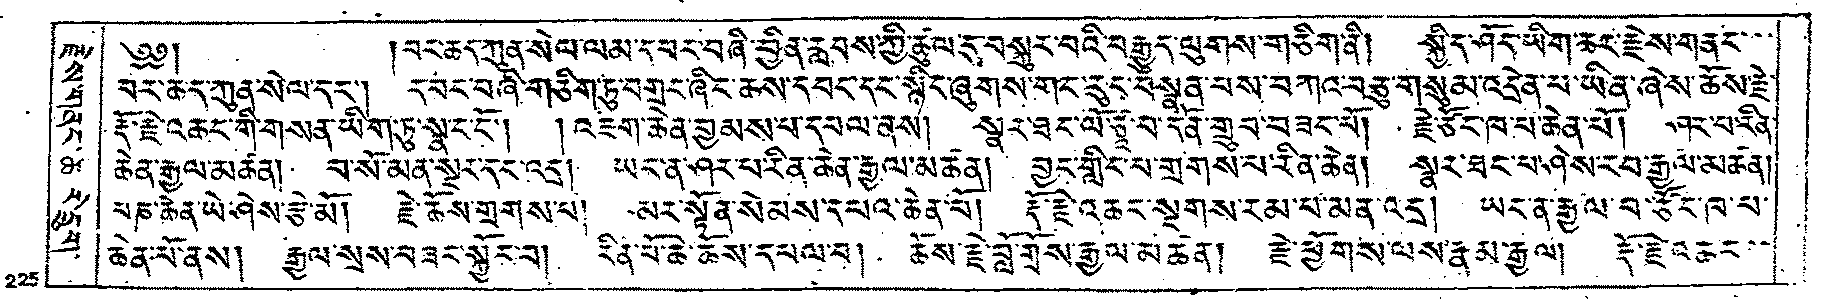༄༅། །བར་ཆད་ཀུན་སེལ་ལམ་དབང་བཞི་བྱིན་རླབས་ཀྱི་ཚུལ་དུ་བསྐུར་བའི་བརྒྱུད་ལུགས་གཅིག་ནི། སྐྱིད་ཤོད་ཡིག་ཆར་རྗེས་གནང་
བར་ཆད་ཀུན་སེལ་དང་། དབང་བཞི་གཅིག་ཏུ་བགྲང་ཞིང་ཆས་དབང་དང་སྙིང་ཞུགས་གང་རུང་བསྣན་པས་བཀའ་བཅུ་གསུམ་འདྲེན་པ་ཡིན་ཞེས་ཆོས་རྗེ་
རྡོ་རྗེ་འཆང་གི་གསན་ཡིག་ཏུ་སྣང་ངོ། །འཇག་ཆེན་བྱམས་པ་དཔལ་ནས། སྣར་ཐང་ལོ་ཙཱ་བ་དོན་གྲུབ་བཟང་པོ། རྗེ་ཙོང་ཁ་པ་ཆེན་པོ། ཤར་པ་རིན་
ཆེན་རྒྱལ་མཚན། བ་སོ་མན་སྔར་དང་འདྲ། ཡང་ན་ཤར་པ་རིན་ཆེན་རྒྱལ་མཚན། བྱང་གླིང་པ་གྲགས་པ་རིན་ཆེན། སྣར་ཐང་པ་ཤེས་རབ་རྒྱལ་མཚན།
པཎ་ཆེན་ཡེ་ཤེས་རྩེ་མོ། རྗེ་ཆོས་གྲགས་པ། མར་སྟོན་སེམས་དཔའ་ཆེན་པོ། རྡོ་རྗེ་འཆང་སྔགས་རམ་པ་མན་འདྲ། ཡང་ན་རྒྱལ་བ་ཙོང་ཁ་པ་
ཆེན་པོ་ནས། རྒྱལ་སྲས་བཟང་སྐྱོང་བ། རིན་པོ་ཆེ་ཆོས་དཔལ་བ། ཆོས་རྗེ་བློ་གྲོས་རྒྱལ་མཚན། རྗེ་ཕྱོགས་ལས་རྣམ་རྒྱལ། རྡོ་རྗེ་འཆང་